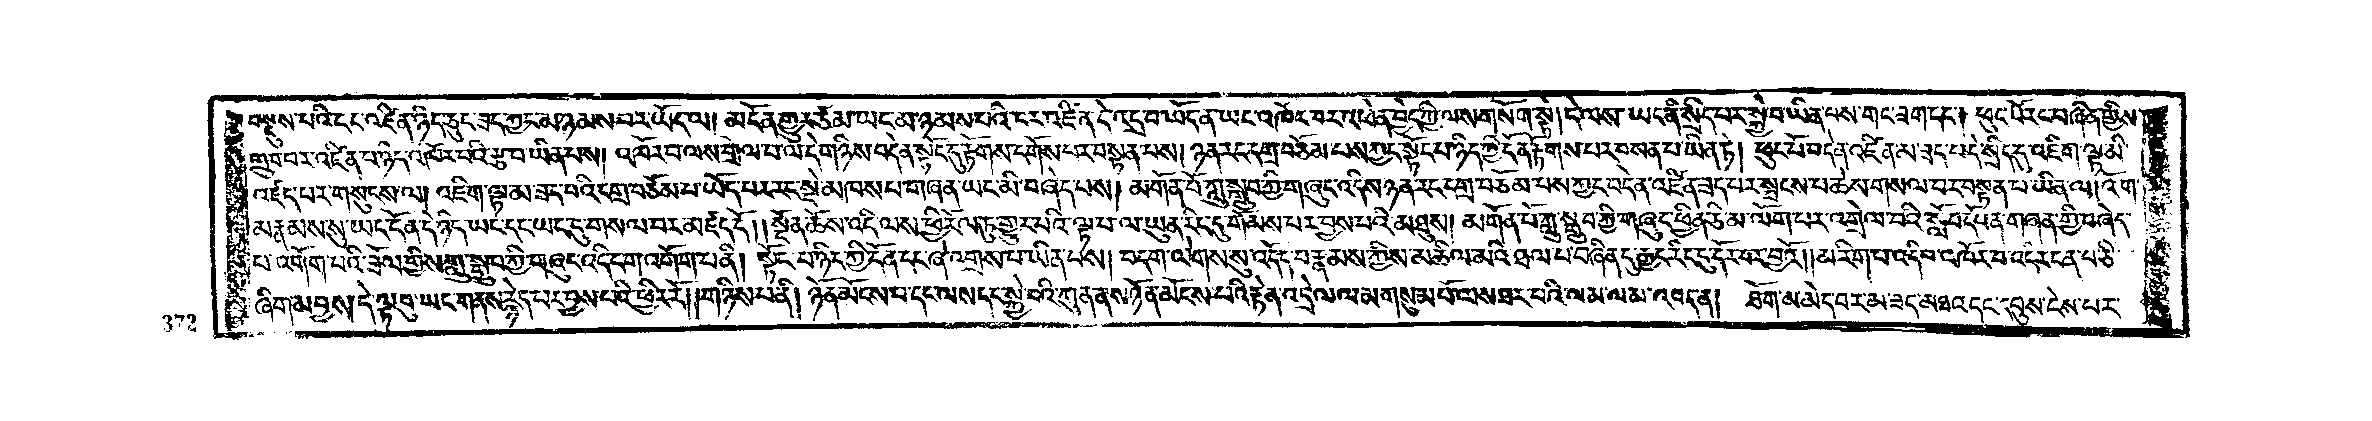བསྡུས་པའི་ངར་འཛིན་ཉིད་ཅུང་ཟད་ཀྱང་མ་ཉམས་པར་ཡོད་ལ། མངོན་གྱུར་ཙམ་ཡང་མ་ཉམས་པའི་ངར་འཛིན་དེ་འདྲ་བ་ཡོད་ན་ཡང་འཁོར་བར་འཕེན་བྱེད་ཀྱི་ལས་གསོག་སྟེ། དེ་ལས་ཡང་ནི་སྲིད་པར་སྐྱེ་བ་ཡིན་པས་གང་ཟག་དང་། ཕུང་པོ་རང་བཞིན་གྱིས་
གྲུབ་པར་འཛིན་པ་ཉིད་འཁོར་བའི་རྩ་བ་ཡིན་པས། འཁོར་བ་ལས་གྲོལ་བ་ལ་དེ་གཉིས་བདེན་སྟོང་དུ་རྟོགས་དགོས་པར་བསྟན་པས། ཉན་རང་དགྲ་བཅོམ་པས་ཀྱང་སྟོང་པ་ཉིད་ཀྱི་དོན་རྟོགས་པར་བསན་པ་ཡིན་ཏེ། ཕུང་པོ་བདེན་འཛིན་མ་ཟད་པ་དེ་སྲིད་དུ་འཇིག་ལྟ་མི་
འཛད་པར་གསུངས་ལ། འཇིག་ལྟ་མ་ཟད་པའི་དགྲ་བཅོམ་པ་ཡོད་པར་རང་སྡེ་མཁས་པ་གཞན་ཡང་མི་བཞེད་པས། མགོན་པོ་ཀླུ་སྒྲུབ་ཀྱི་གཞུང་འདིས་ཉན་རང་དགྲ་བཅོམ་པས་ཀྱང་བདེན་འཛིན་ཟད་པར་སྤངས་པ་ཆེས་གསལ་བར་བསྟན་པ་ཡིན་ལ། འོག་
མ་རྣམས་སུ་ཡང་དོན་དེ་ཉིད་ཡང་དང་ཡང་དུ་གསལ་བར་མཛད་དོ། །སྔོན་ཆོས་འདི་ལས་ཕྱི་རོལ་ཏུ་གྱུར་པའི་ལྟ་བ་ལ་ཡུན་རིང་དུ་གོམས་པར་བྱས་པའི་མཐུས། མགོན་པོ་ཀླུ་སྒྲུབ་ཀྱི་གཞུང་ཕྱིན་ཅི་མ་ལོག་པར་འགྲེལ་བའི་སློབ་དཔོན་གཞན་གྱི་བཞེད་
པ་འགོག་པའི་ཟོལ་གྱིས་ཀླུ་སྒྲུབ་ཀྱི་གཞུང་འདི་དག་འགོག་པ་ནི། སྟོང་པ་ཉིད་ཀྱི་དོན་དང་ཞེ་འགྲས་པ་ཡིན་པས། བདག་ལེགས་སུ་འདོད་པ་རྣམས་ཀྱིས་མཆིལ་མའི་ཐལ་པ་བཞིན་དུ་རྒྱང་རིང་དུ་དོར་བར་བྱའོ། །མ་རིག་པ་འདི་བ་འཁོར་བ་འདིར་ངན་པ་ཅི་
ཞིག་མ་བྱས་དེ་ལྟ་བུ་ཡང་གནས་རྙེད་པར་བྱས་པའི་ཕྱིར་རོ། །གཉིས་པ་ནི། ཉོན་མོངས་པ་དང་ལས་དང་སྐྱེ་བའི་ཀུན་ནས་ཉོན་མོངས་པའི་རྟེན་འདྲེལ་ལམ་གསུམ་པོ་ལས་ཐར་པའི་ལམ་ལམ་འབད་ན། ཐོག་མ་མེད་པར་མ་ཟད་མཐའ་དང་དབུས་ངེས་པར་